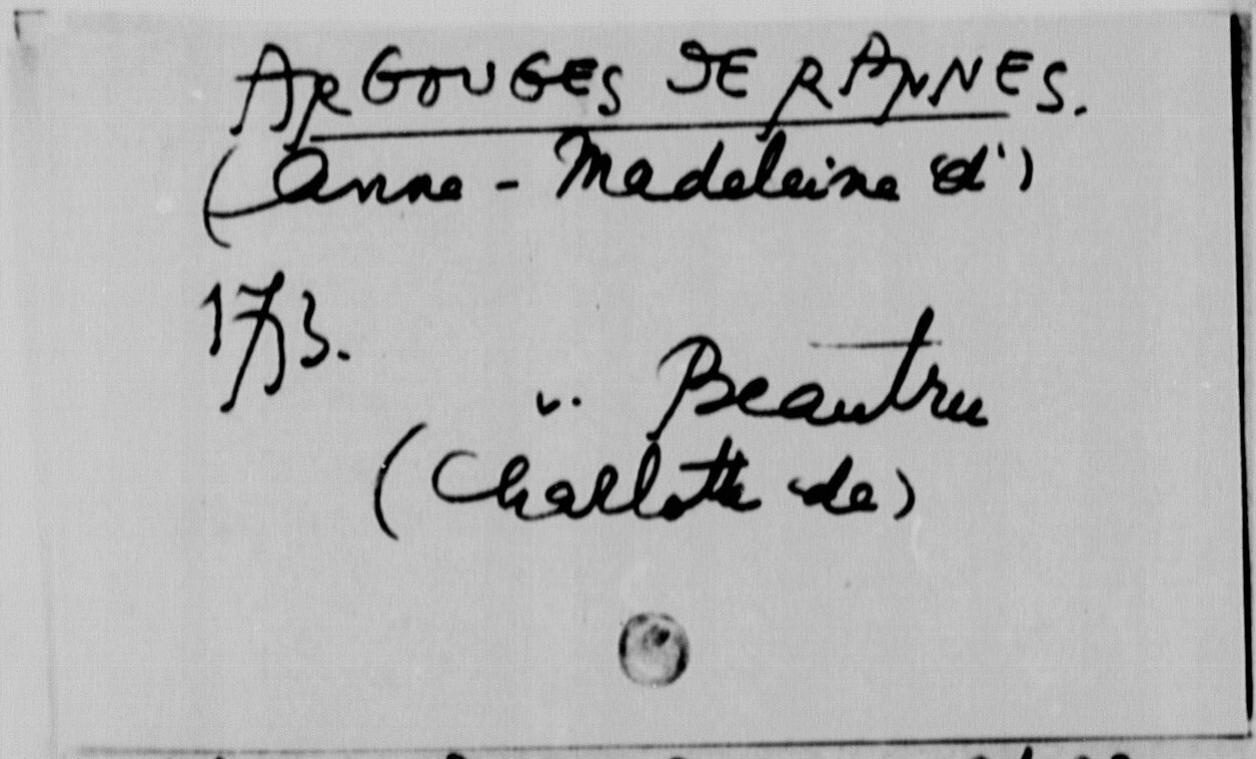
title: ARGOUGES DE RANNES (Anne-Madeleine d')
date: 1703
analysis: Voir BEAUTRU (Charlotte de)
